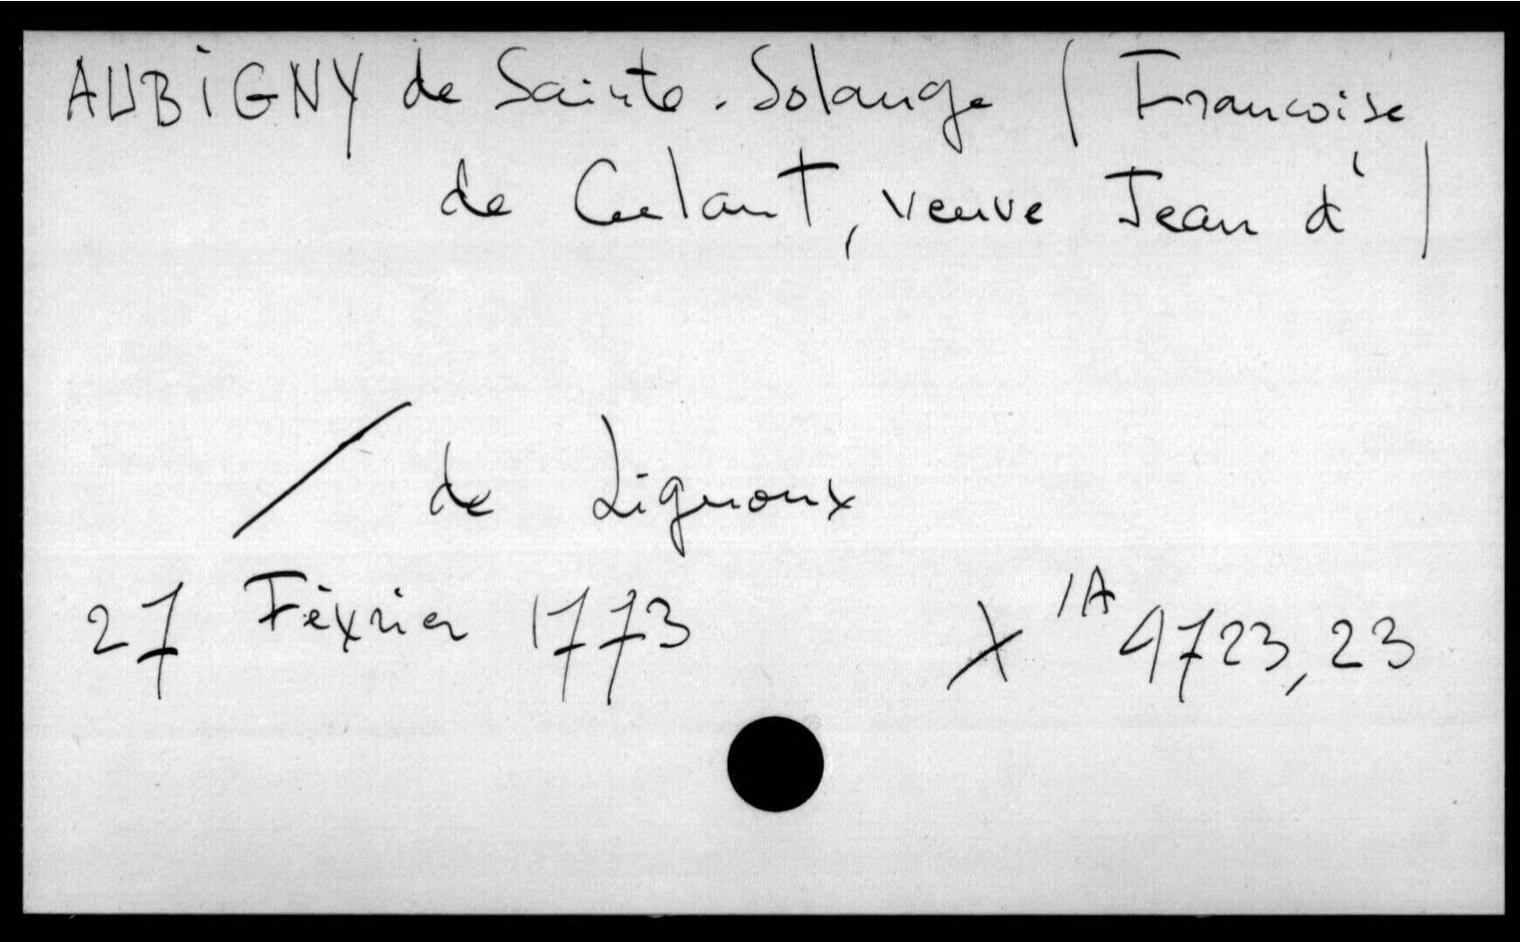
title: AUBIGNY de Sainte-Solange (Françoise de Culant, veuve Jean d')
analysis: Contre de Liguoux
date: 27 février 1773
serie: X1A
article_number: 4723
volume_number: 23
